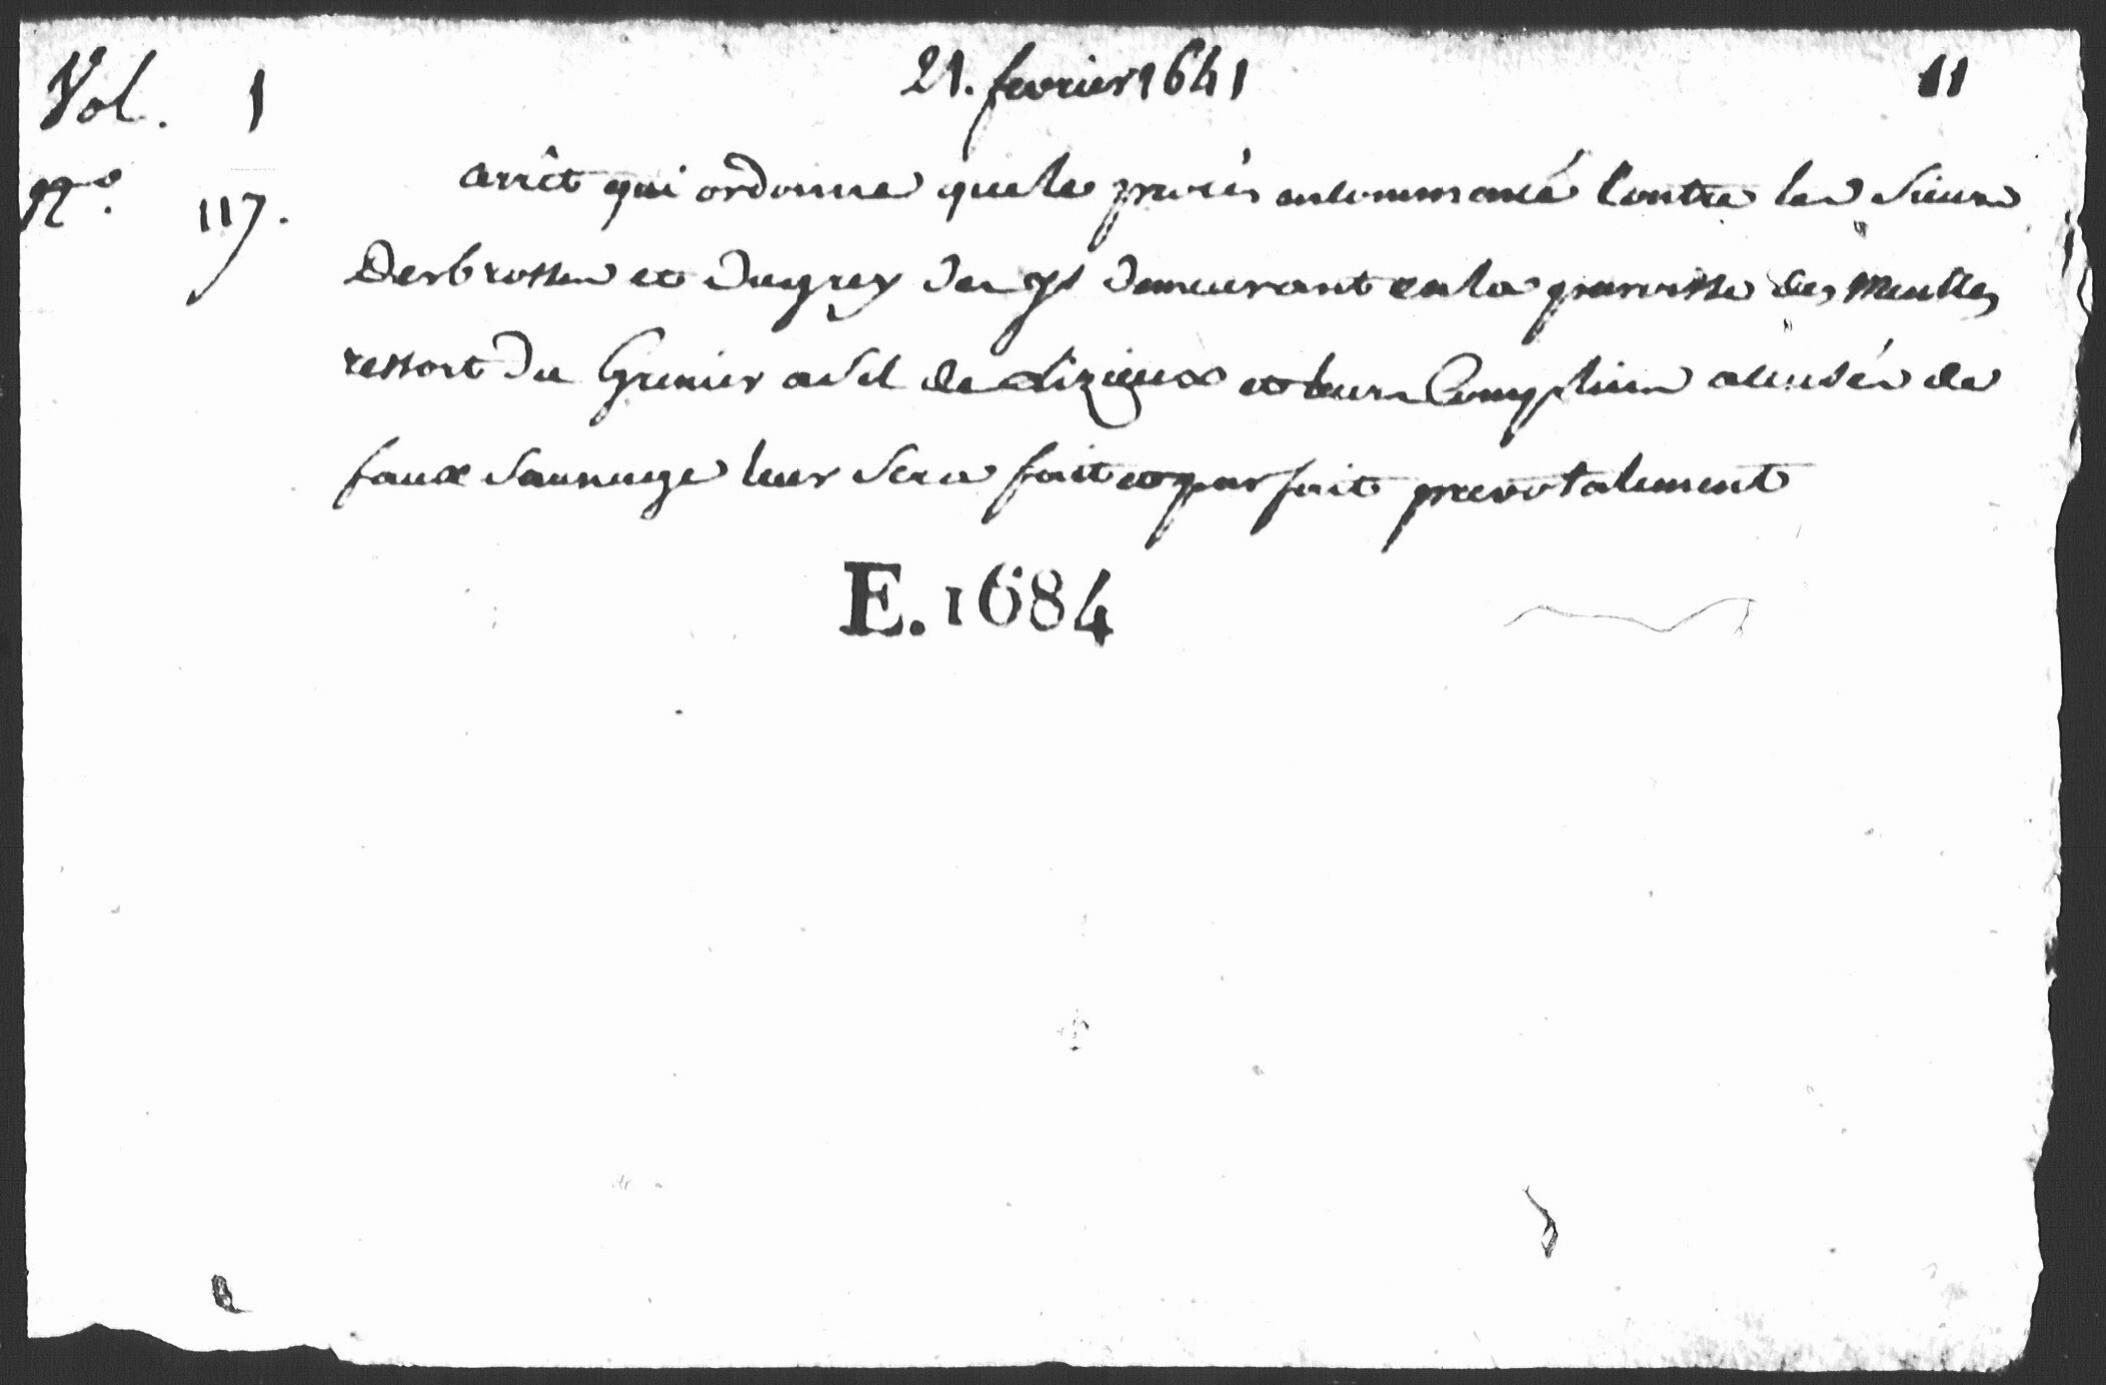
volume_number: n°117
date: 24 février 1641
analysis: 11
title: arrêt qui ordonne que le procès encommencé contre les sieurs Desbrosses et Dugrey des Ys demeurant en la paroisse des Meulles ressort du Grenier a sel de Lizieux et leurs complices accusés de faux saunage leur sera fait et parfait prevotalement
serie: E
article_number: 1684
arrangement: vol. 1
